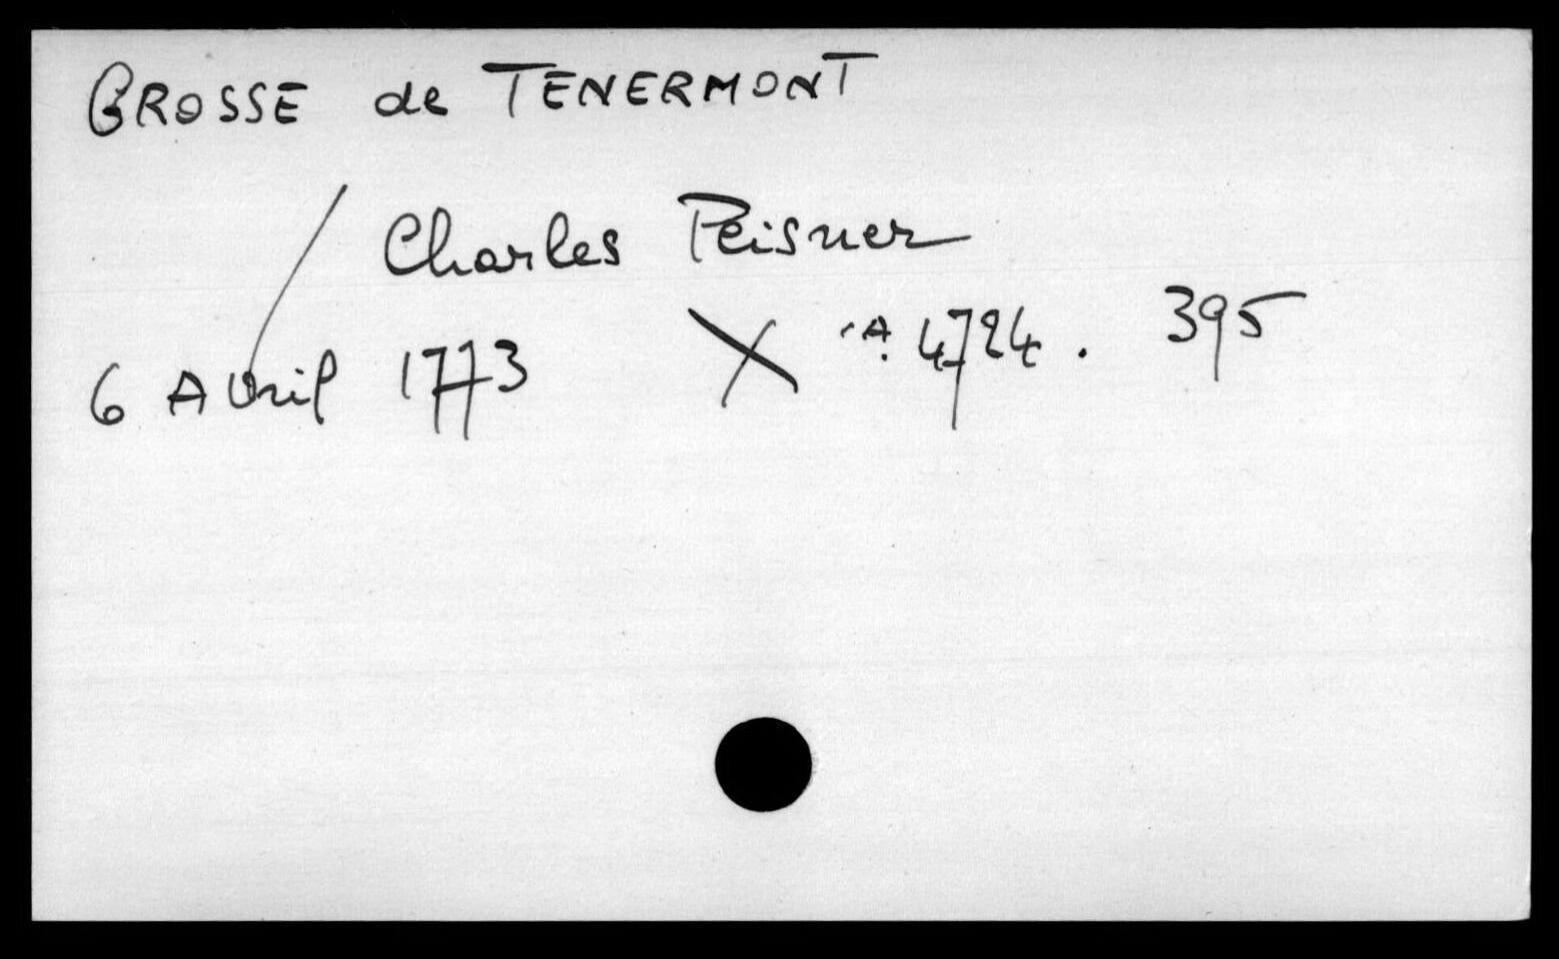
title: GROSSE de TENERMONT
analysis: Contre Charles Peisner
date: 6 avril 1773
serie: X1A
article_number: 4724
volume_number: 395
